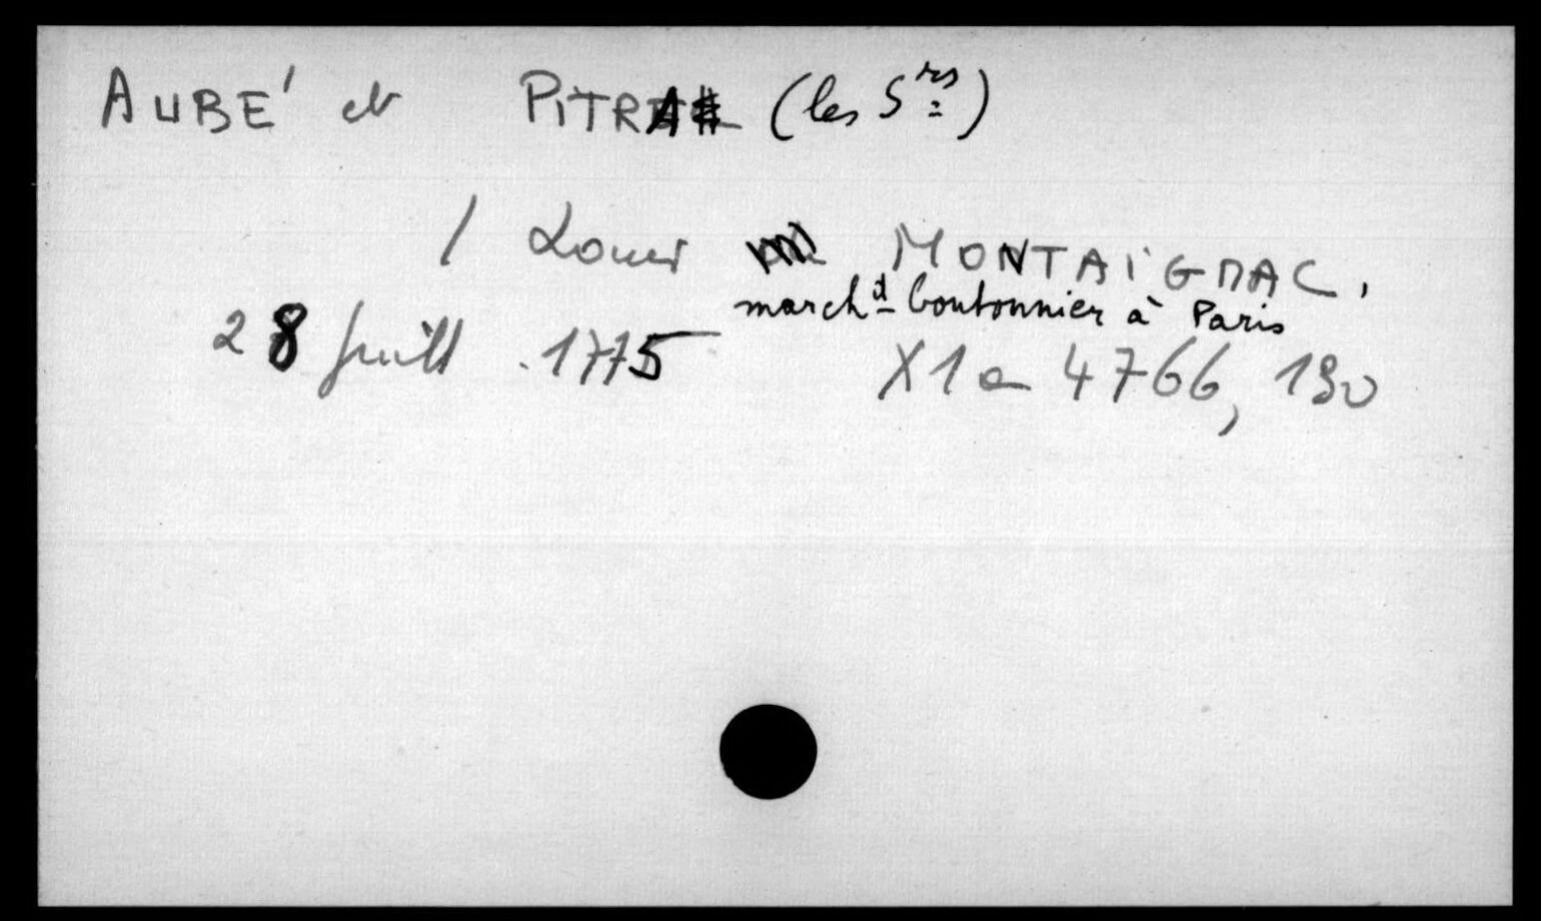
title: AUBÉ et PITRA (les Sieurs)
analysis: Contre Louis MONTAIGNAC, marchand boutonnier à Paris
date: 28 juillet 1775
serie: X1a
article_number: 4766
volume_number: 130
